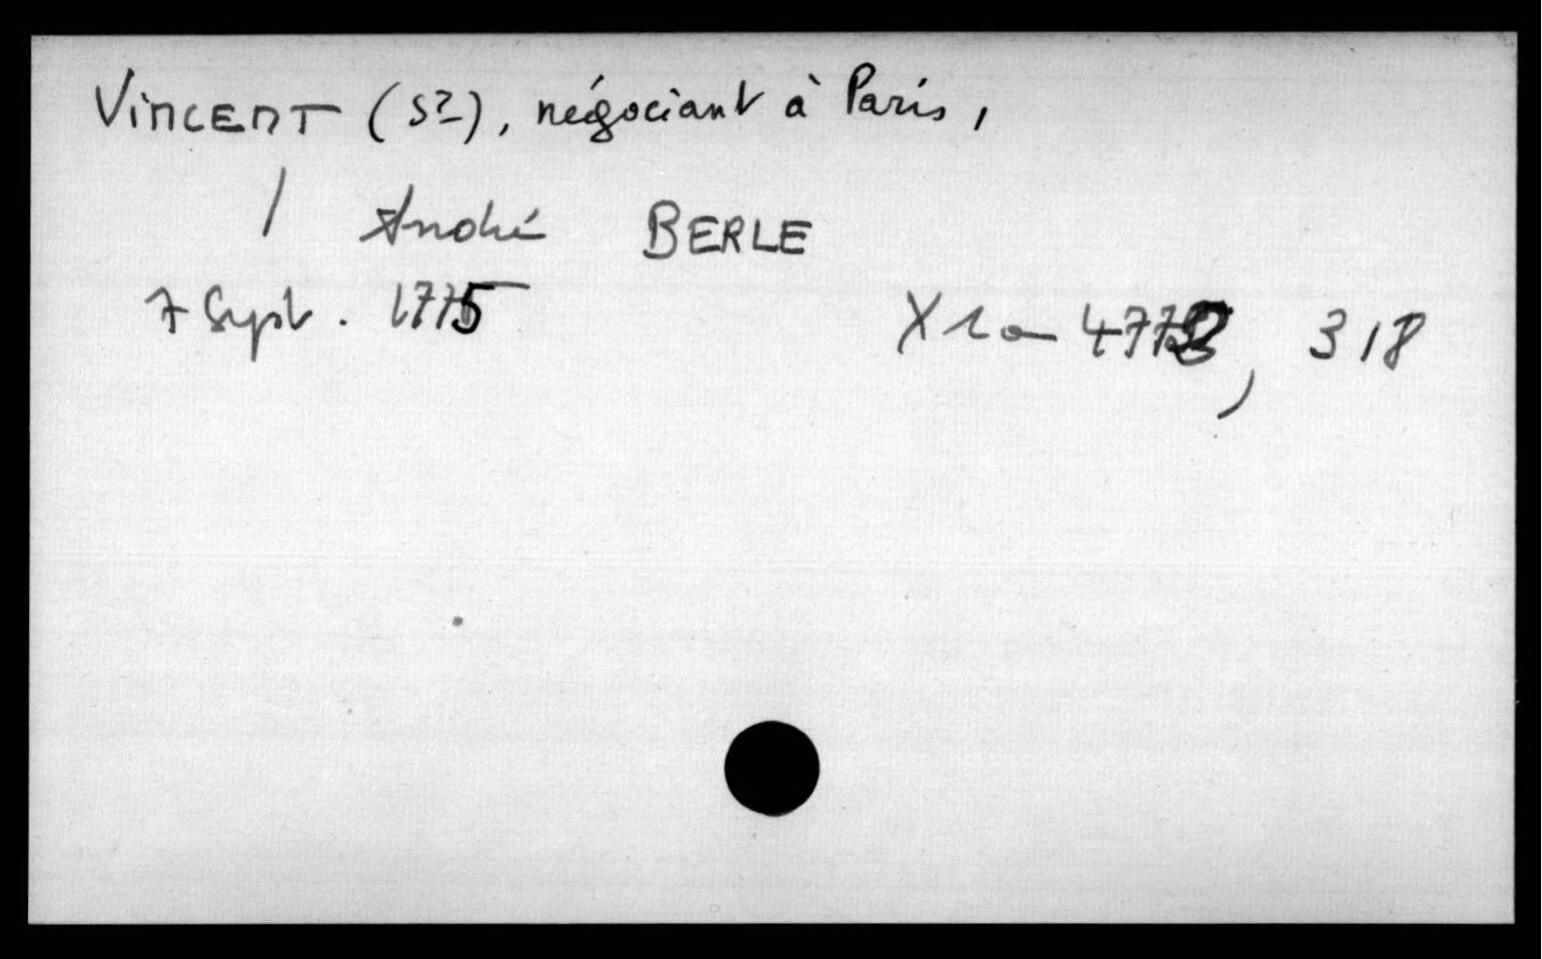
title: VINCENT (Sieur), négociant à Paris.
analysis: Contre André BERLE
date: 7 septembre 1775
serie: X1a
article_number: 4778
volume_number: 318
